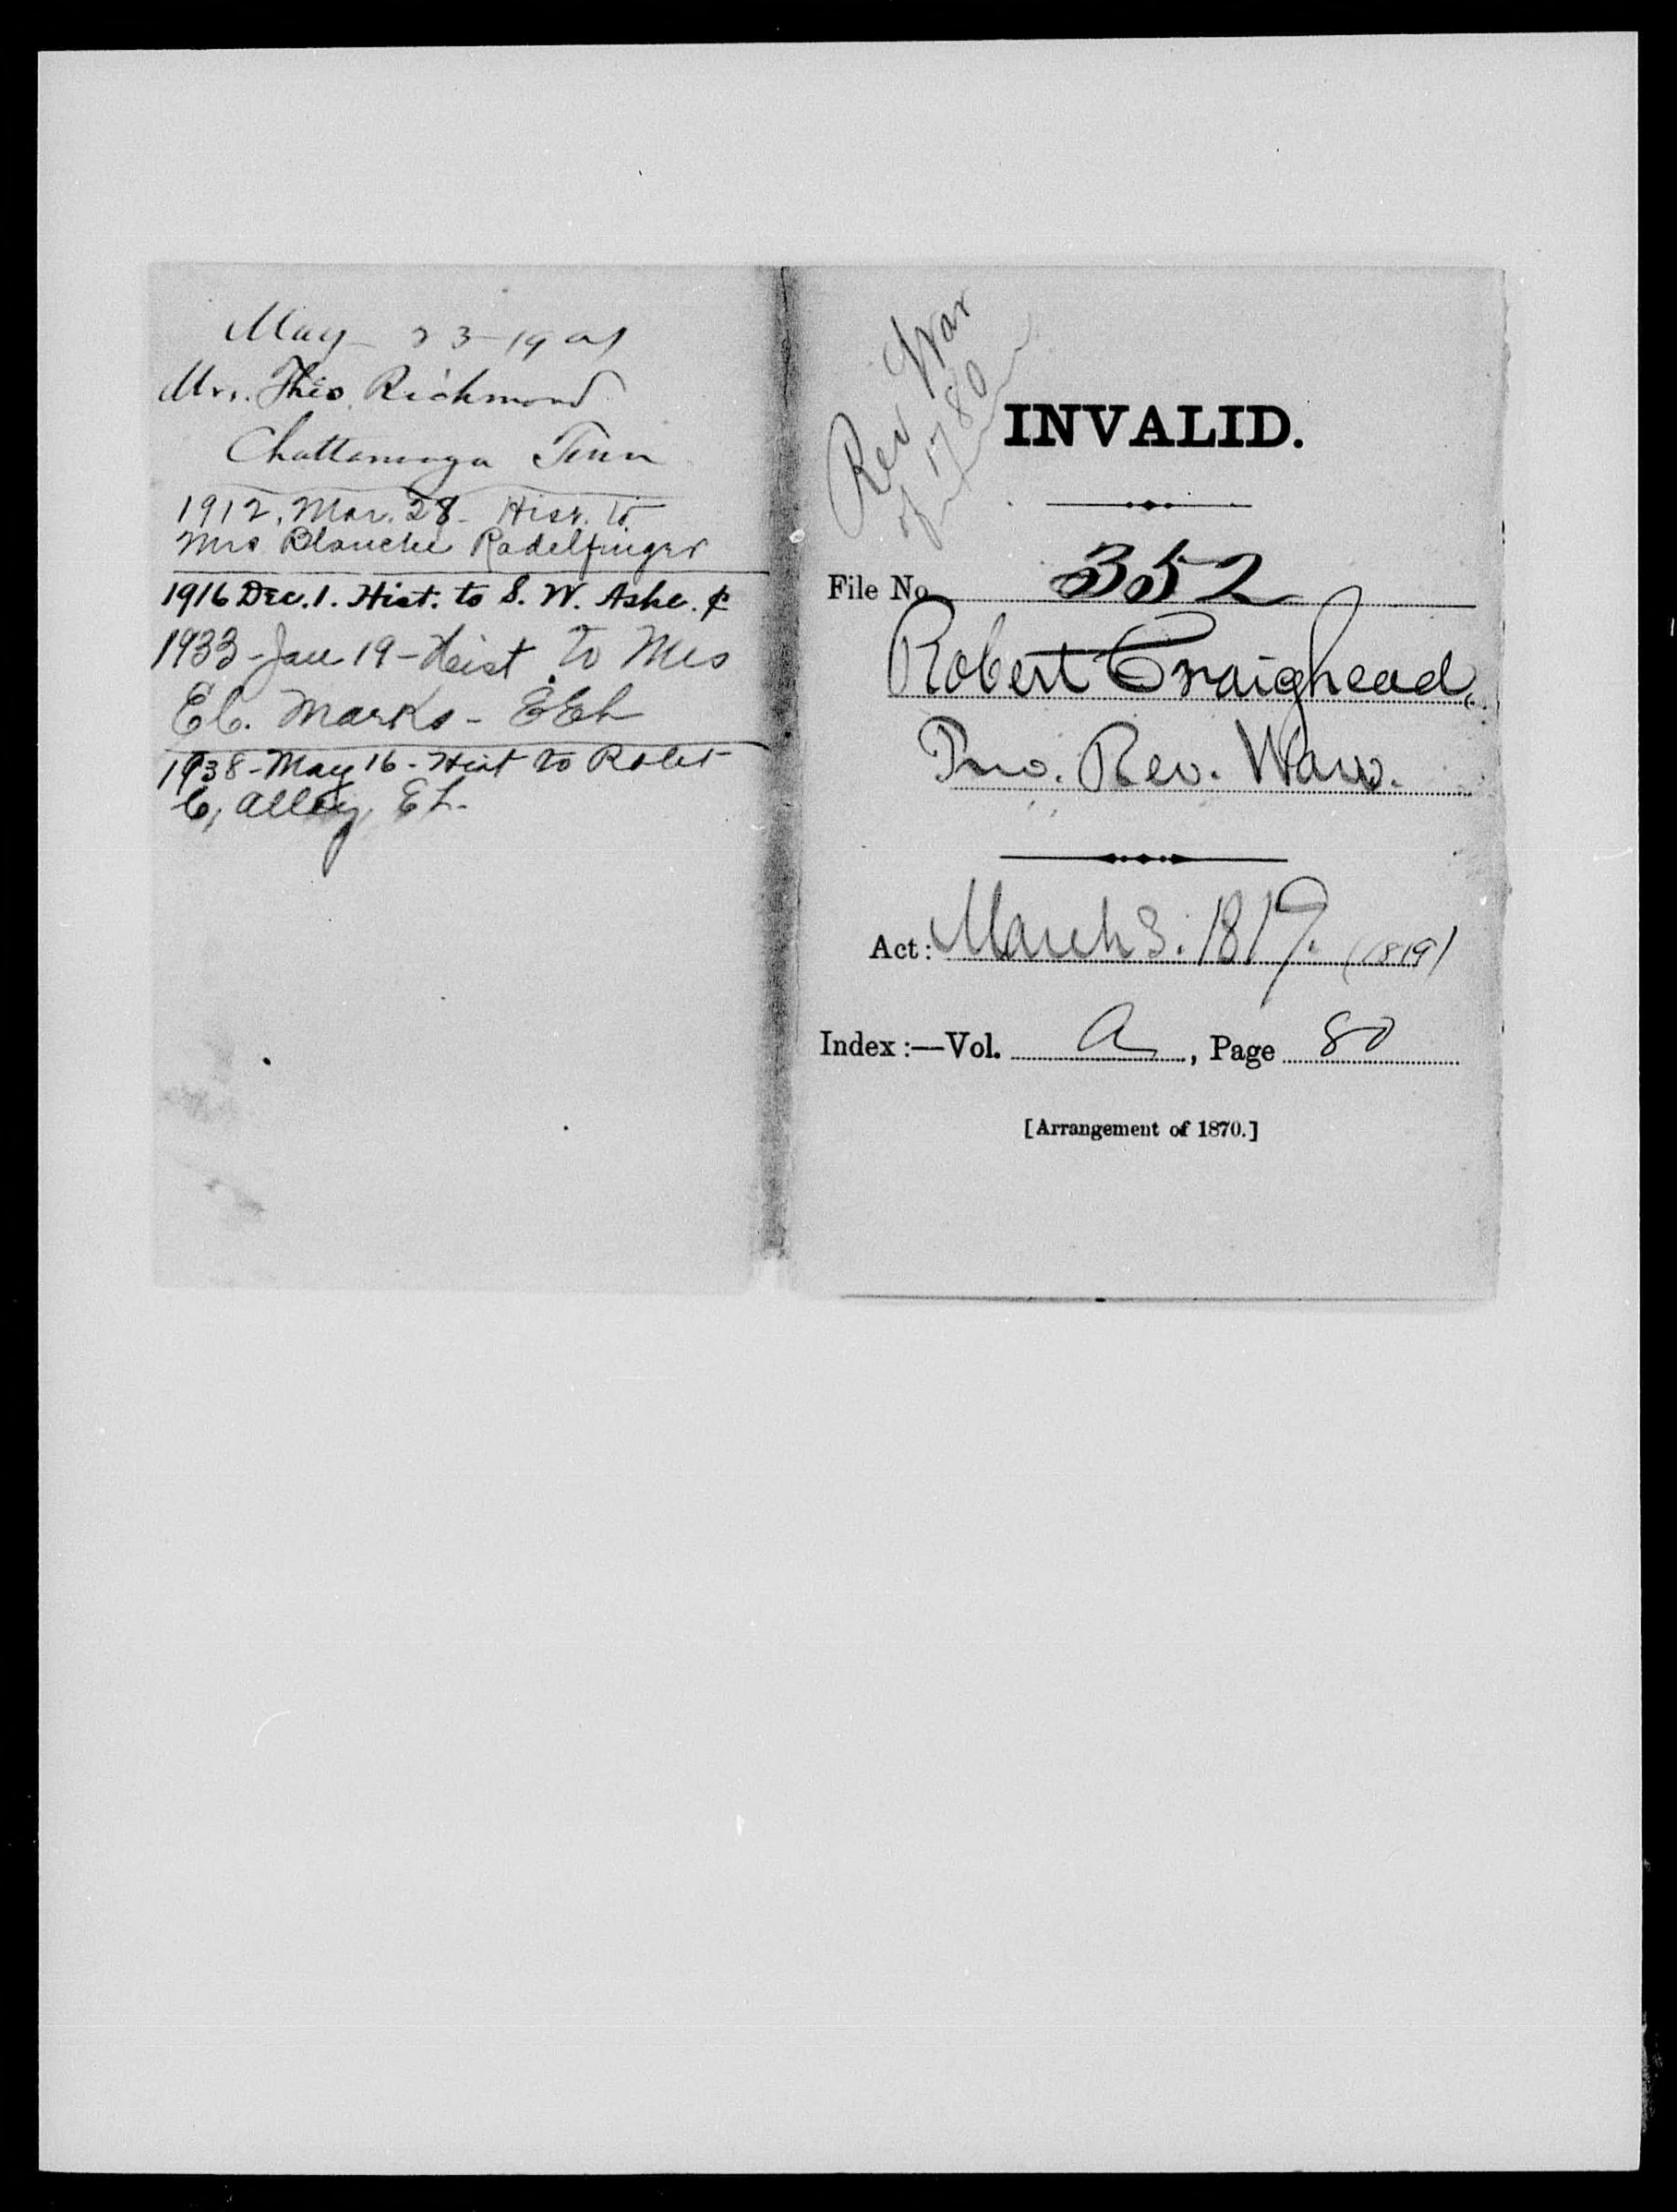[Left side:]
May 23 1901
Mrs. Theodore Richmond
Chattanooga Tennessee
1912, March 28. History to
Mrs Blanche Radelfinger
1916 December 1. History to S. W. Ashe 
1938 - January 19 - History to Mrs
E.C. Marks EEL
1938 - May 16. History to Robt C
Alley EL

[Right side:]
Revolutionary War
of 1780
INVALID
File Number 352
Robert Craighead
Private. Revolutionary War
-
Act March 3.1819. 
Index: -- Volume A, Page 80

[Arrangement of 1870.}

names: Robert Craighead, E C Marks, Blanche Radelfinger, S W Ashe, Robt C Alley, Theo Richmond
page: 10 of 26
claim: survivor's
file: S. 352, Robert Craighead, N.C.